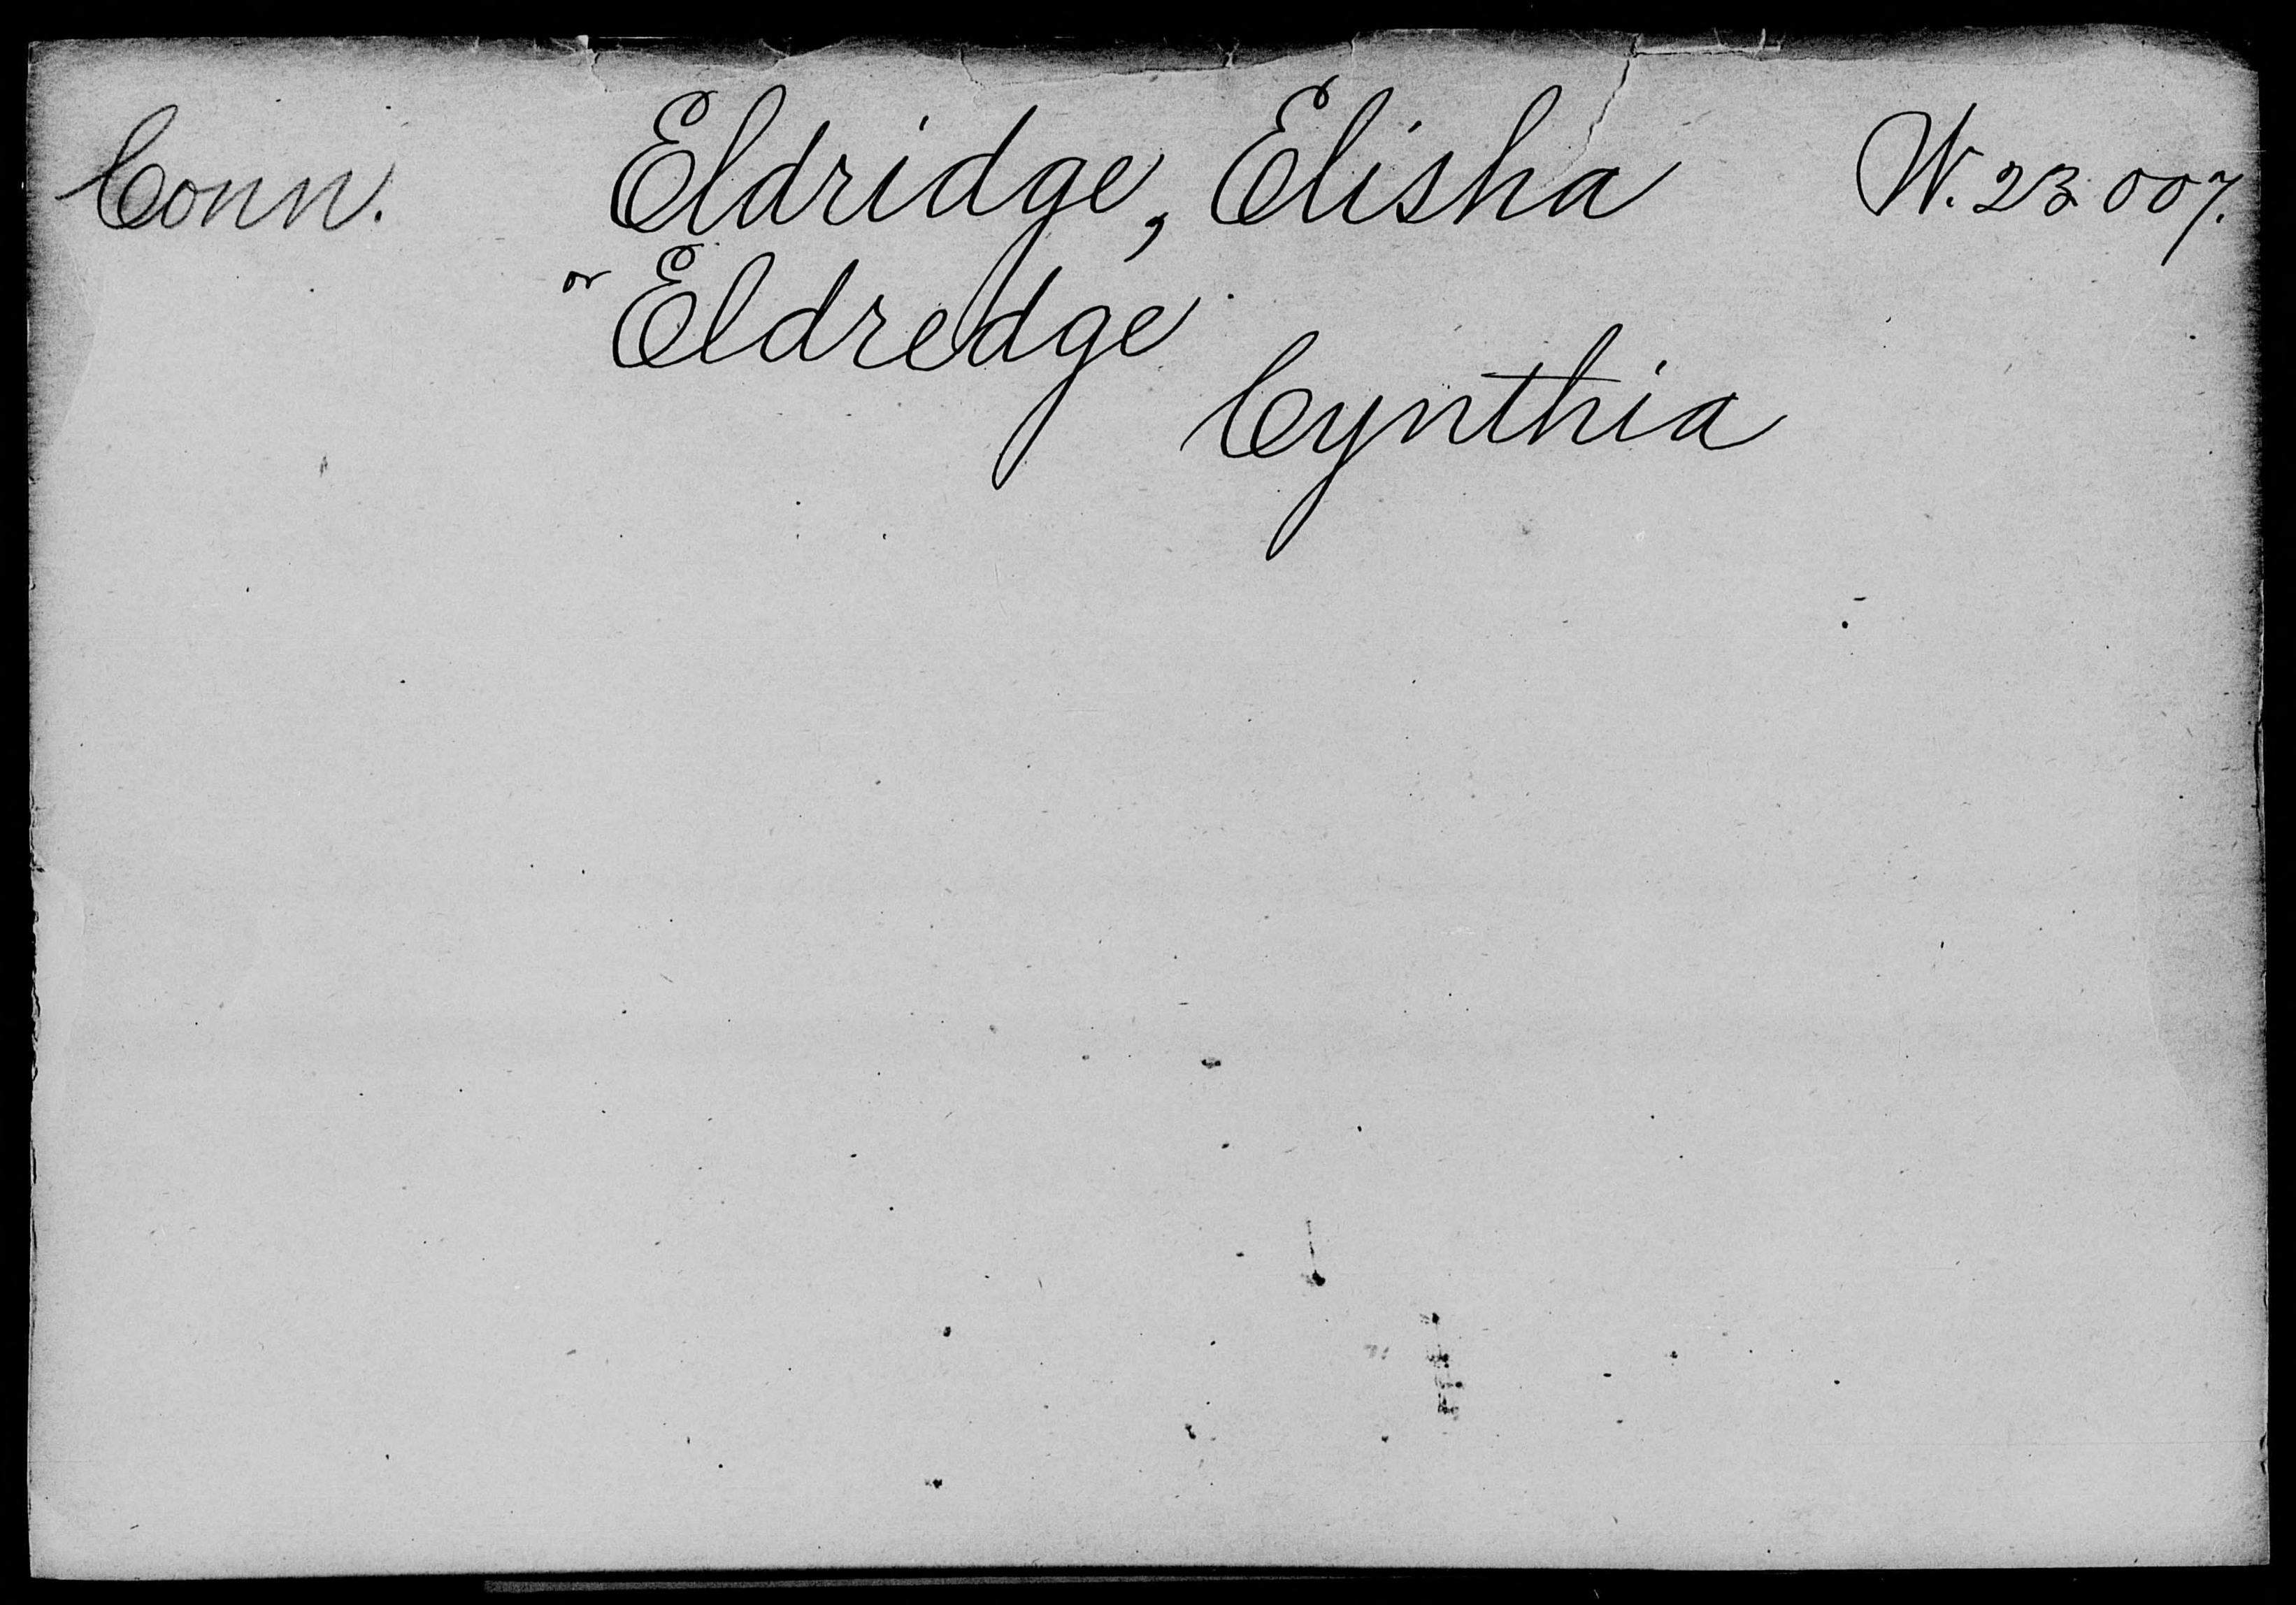Conn.         Eldridge, Elisha         W. 23007
                or  Eldredge
                          Cynthia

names: Elisha Eldredge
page: 1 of 1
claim: widow's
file: W. 23,007, Elisha Eldridge, Conn.